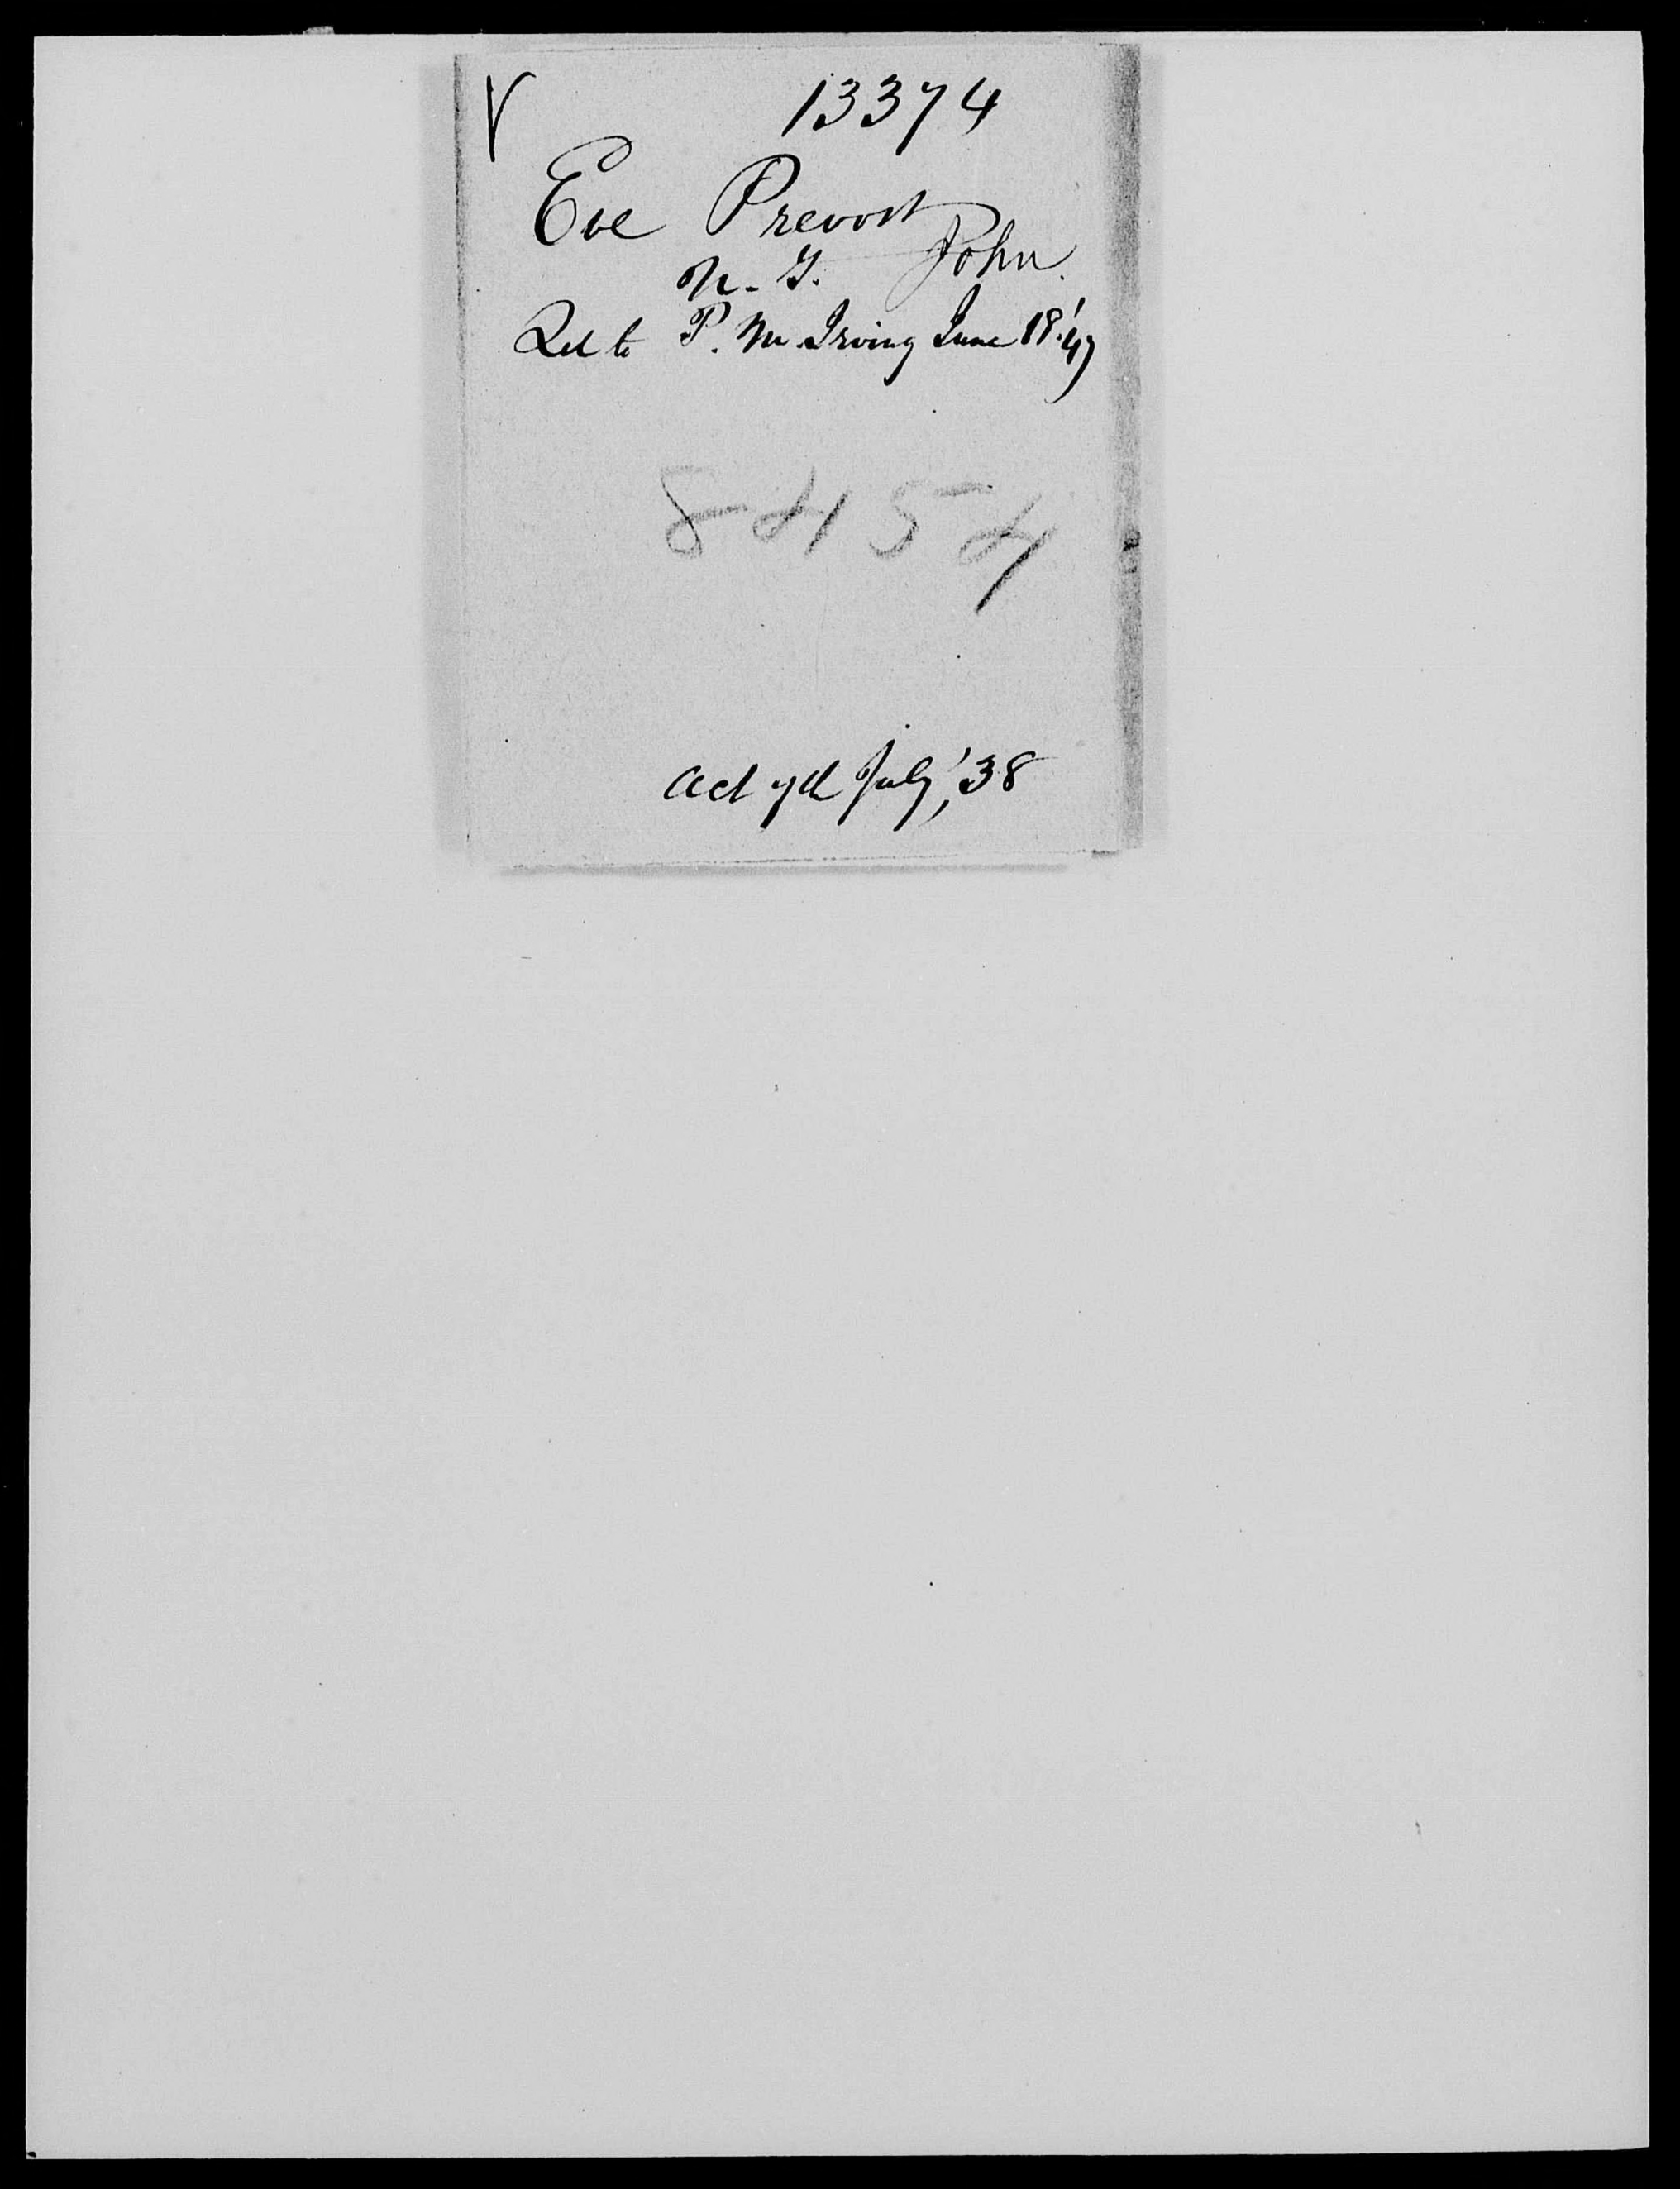V 13374 Eve Prevost John N.G. Let to P.M. Irving June 18 '47 8454 Act 7th July '38.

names: P M Irving; Eve Prevost; John [BLANK]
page: 15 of 19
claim: rejected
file: R. 8454, for John Provoost, New Jersey